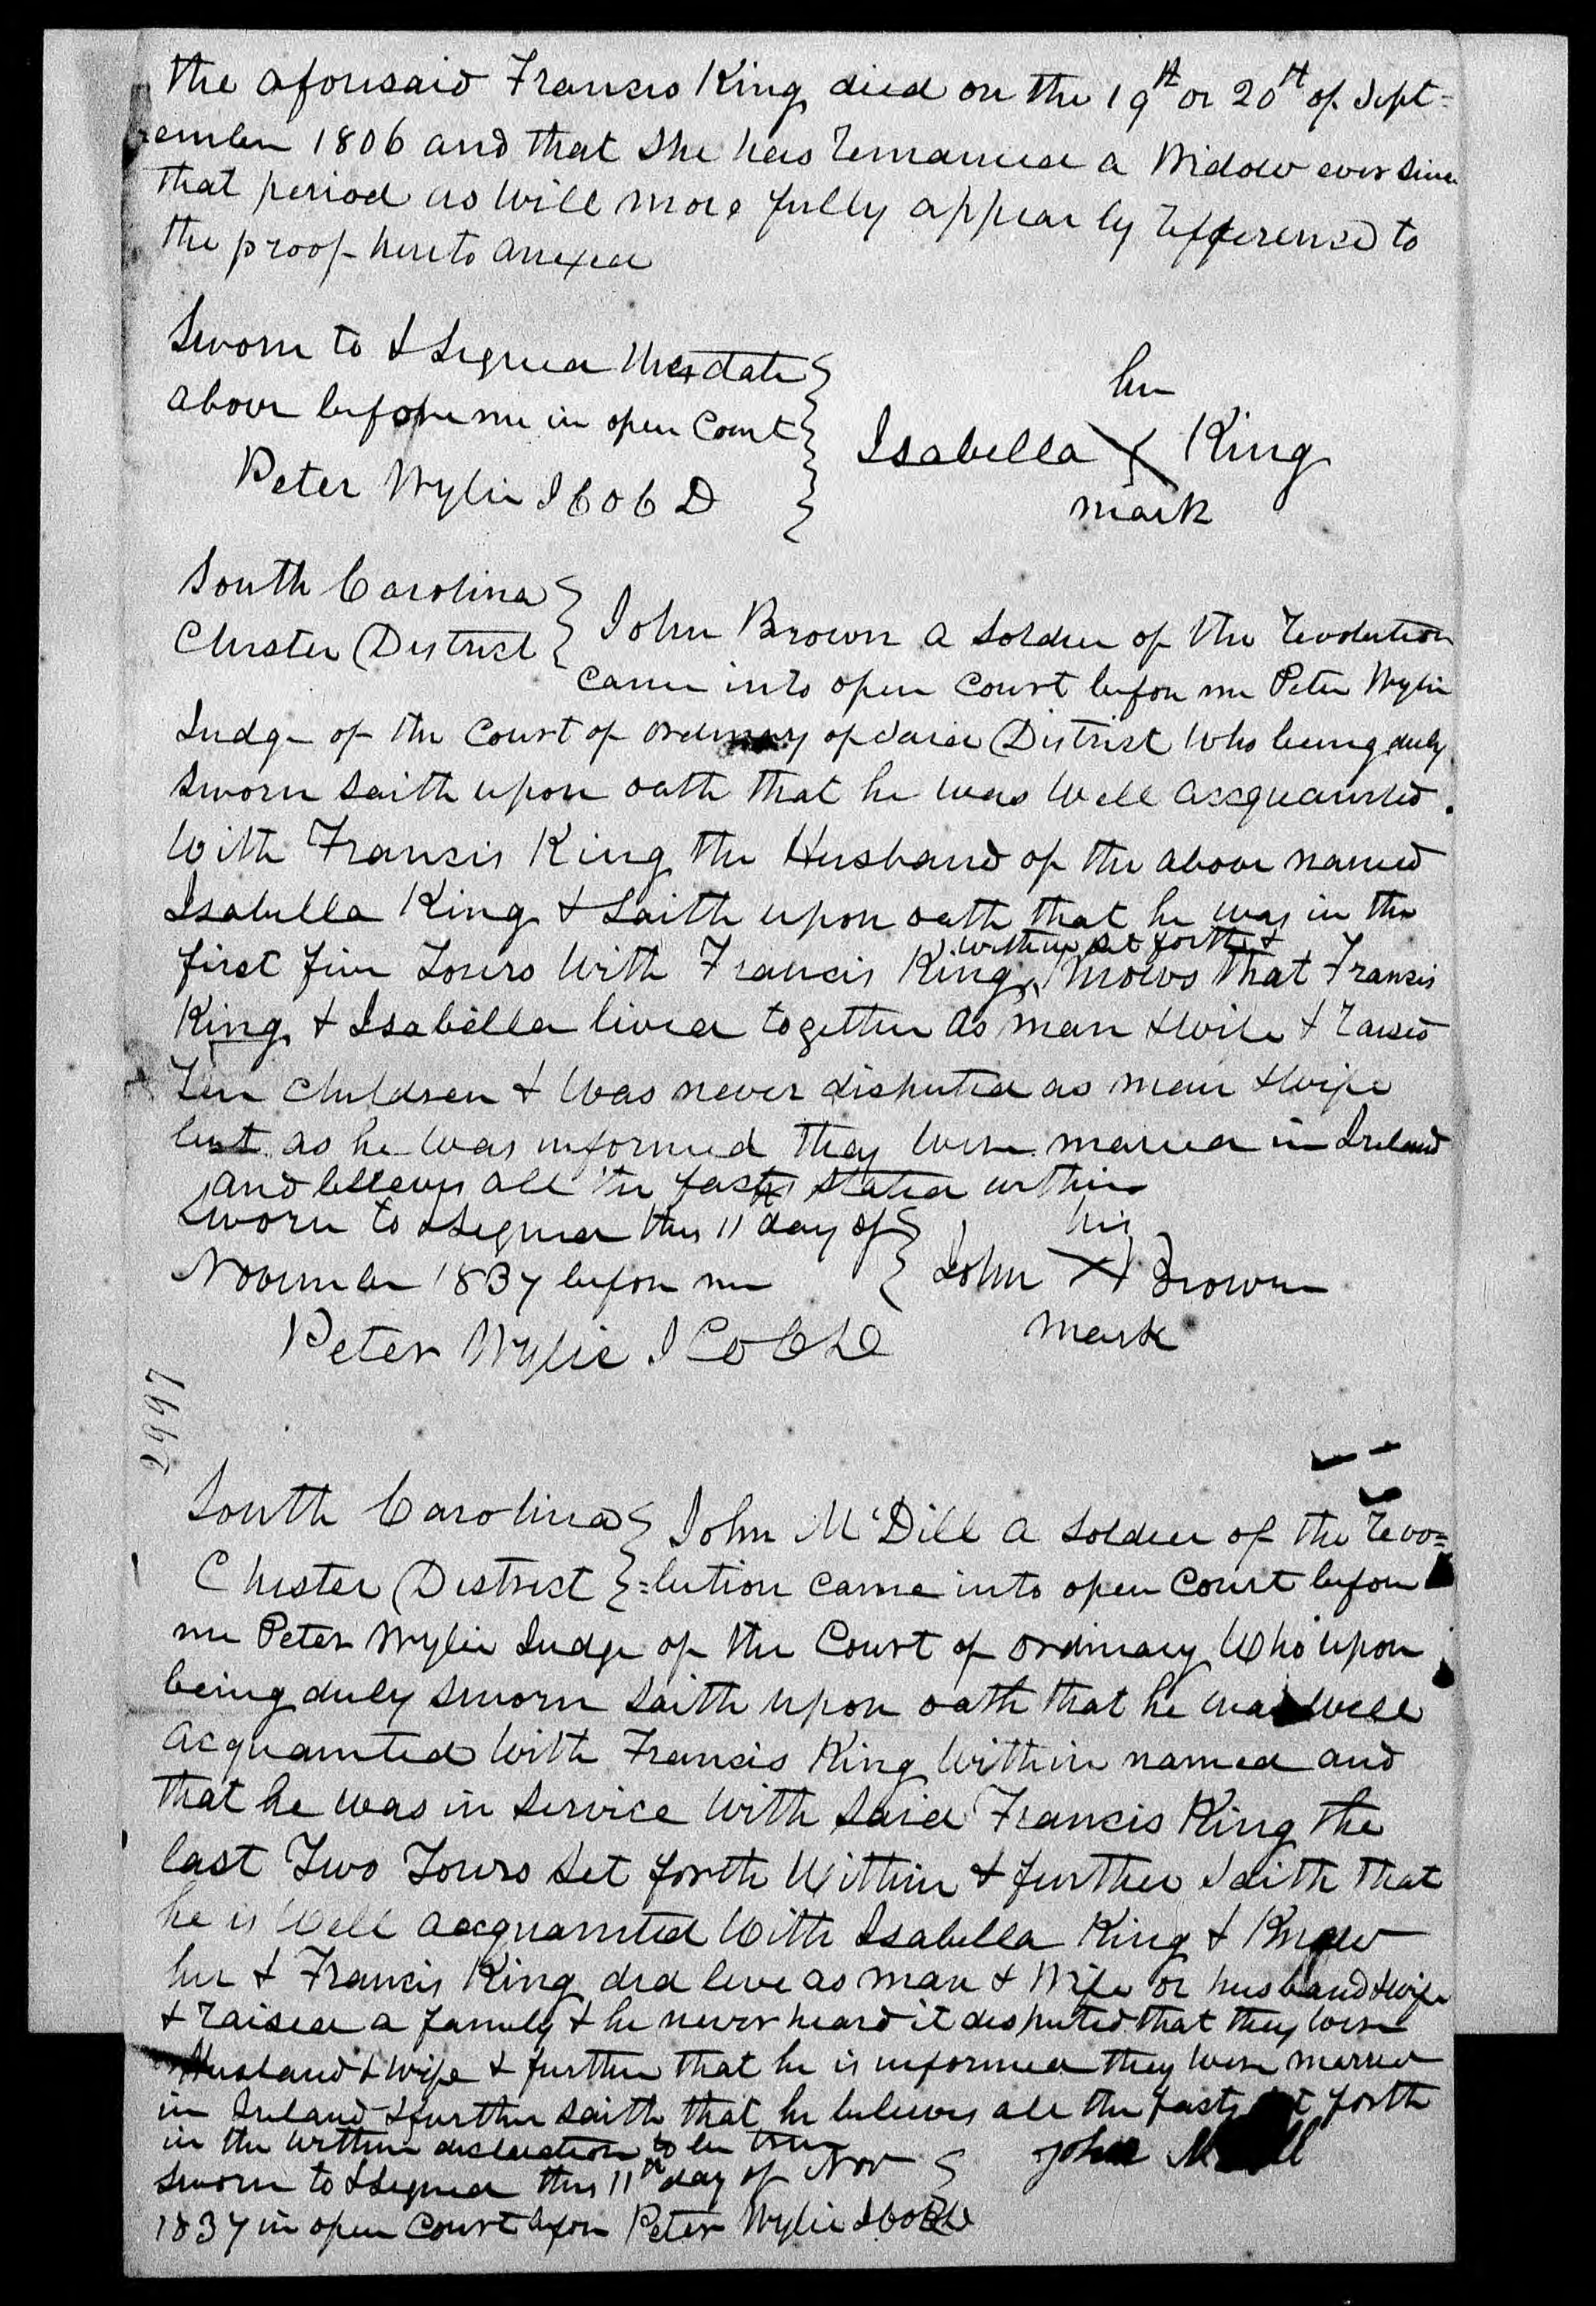the aforesaid Francis King died on the 19th or 20th of Sept
ember 1806 and that she has remained a widow ever since 
that period as will more fully appear by refference [reference] tp
the proof hereto anexed [annexed]
Sworn to & signed this date }
above before me in open Court } Isabella her X mark King
Peter Wylie JCOCD 

South Carolina } John Brown a soldier of the Revolution 
Chester District } came into open Court before me Peter Wylie 
Judge of the Court of Ordinary of said District who being duly 
sworn saith upon o oath that he was well acquainted 
with Francis King the husband of the above named 
Isabella King & saith upon oath that he was in the 
first five tours with Francis King within set forth & knows that Francis 
King & Isabella lived together as man & wife & raised 
ten children & was never dispute as man & wife 
but as he was informed they were married in Ireland 
and believes all the facts stated within
Sworn to & signed this 11 day of }
November 1837 before me } John his X mark Brown
Peter Wyles JCOCD

[Written vertically left margin] 2997

South Carolina } John McDill a soldier of the Revo
Chester District } lution came into open Court before 
me Peter Wylie Judge of the Court of Ordinary who upon 
being duly sworn saith upon oath that he was well 
acquainted with Francis King within named and 
that he was in service with said Francis King the 
last two tours set forth within & further saith that 
he is well acquainted with Isabella King & knew 
her & Francis King did live as man & wife or husband & wife 
& raised a family & he never heard it disputed that they weren't 
husband & wife & further that he is informed that they were married 
in Ireland & further saith that he believes all the facts set forth 
in the within declaration to be true
Sworn to & signed this 11th day of Nov } John McDill 
1837 in open Court before Peter Wylie JCOCD }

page: 9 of 10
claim: widow's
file: W. 21523, for Francis King, South Carolina